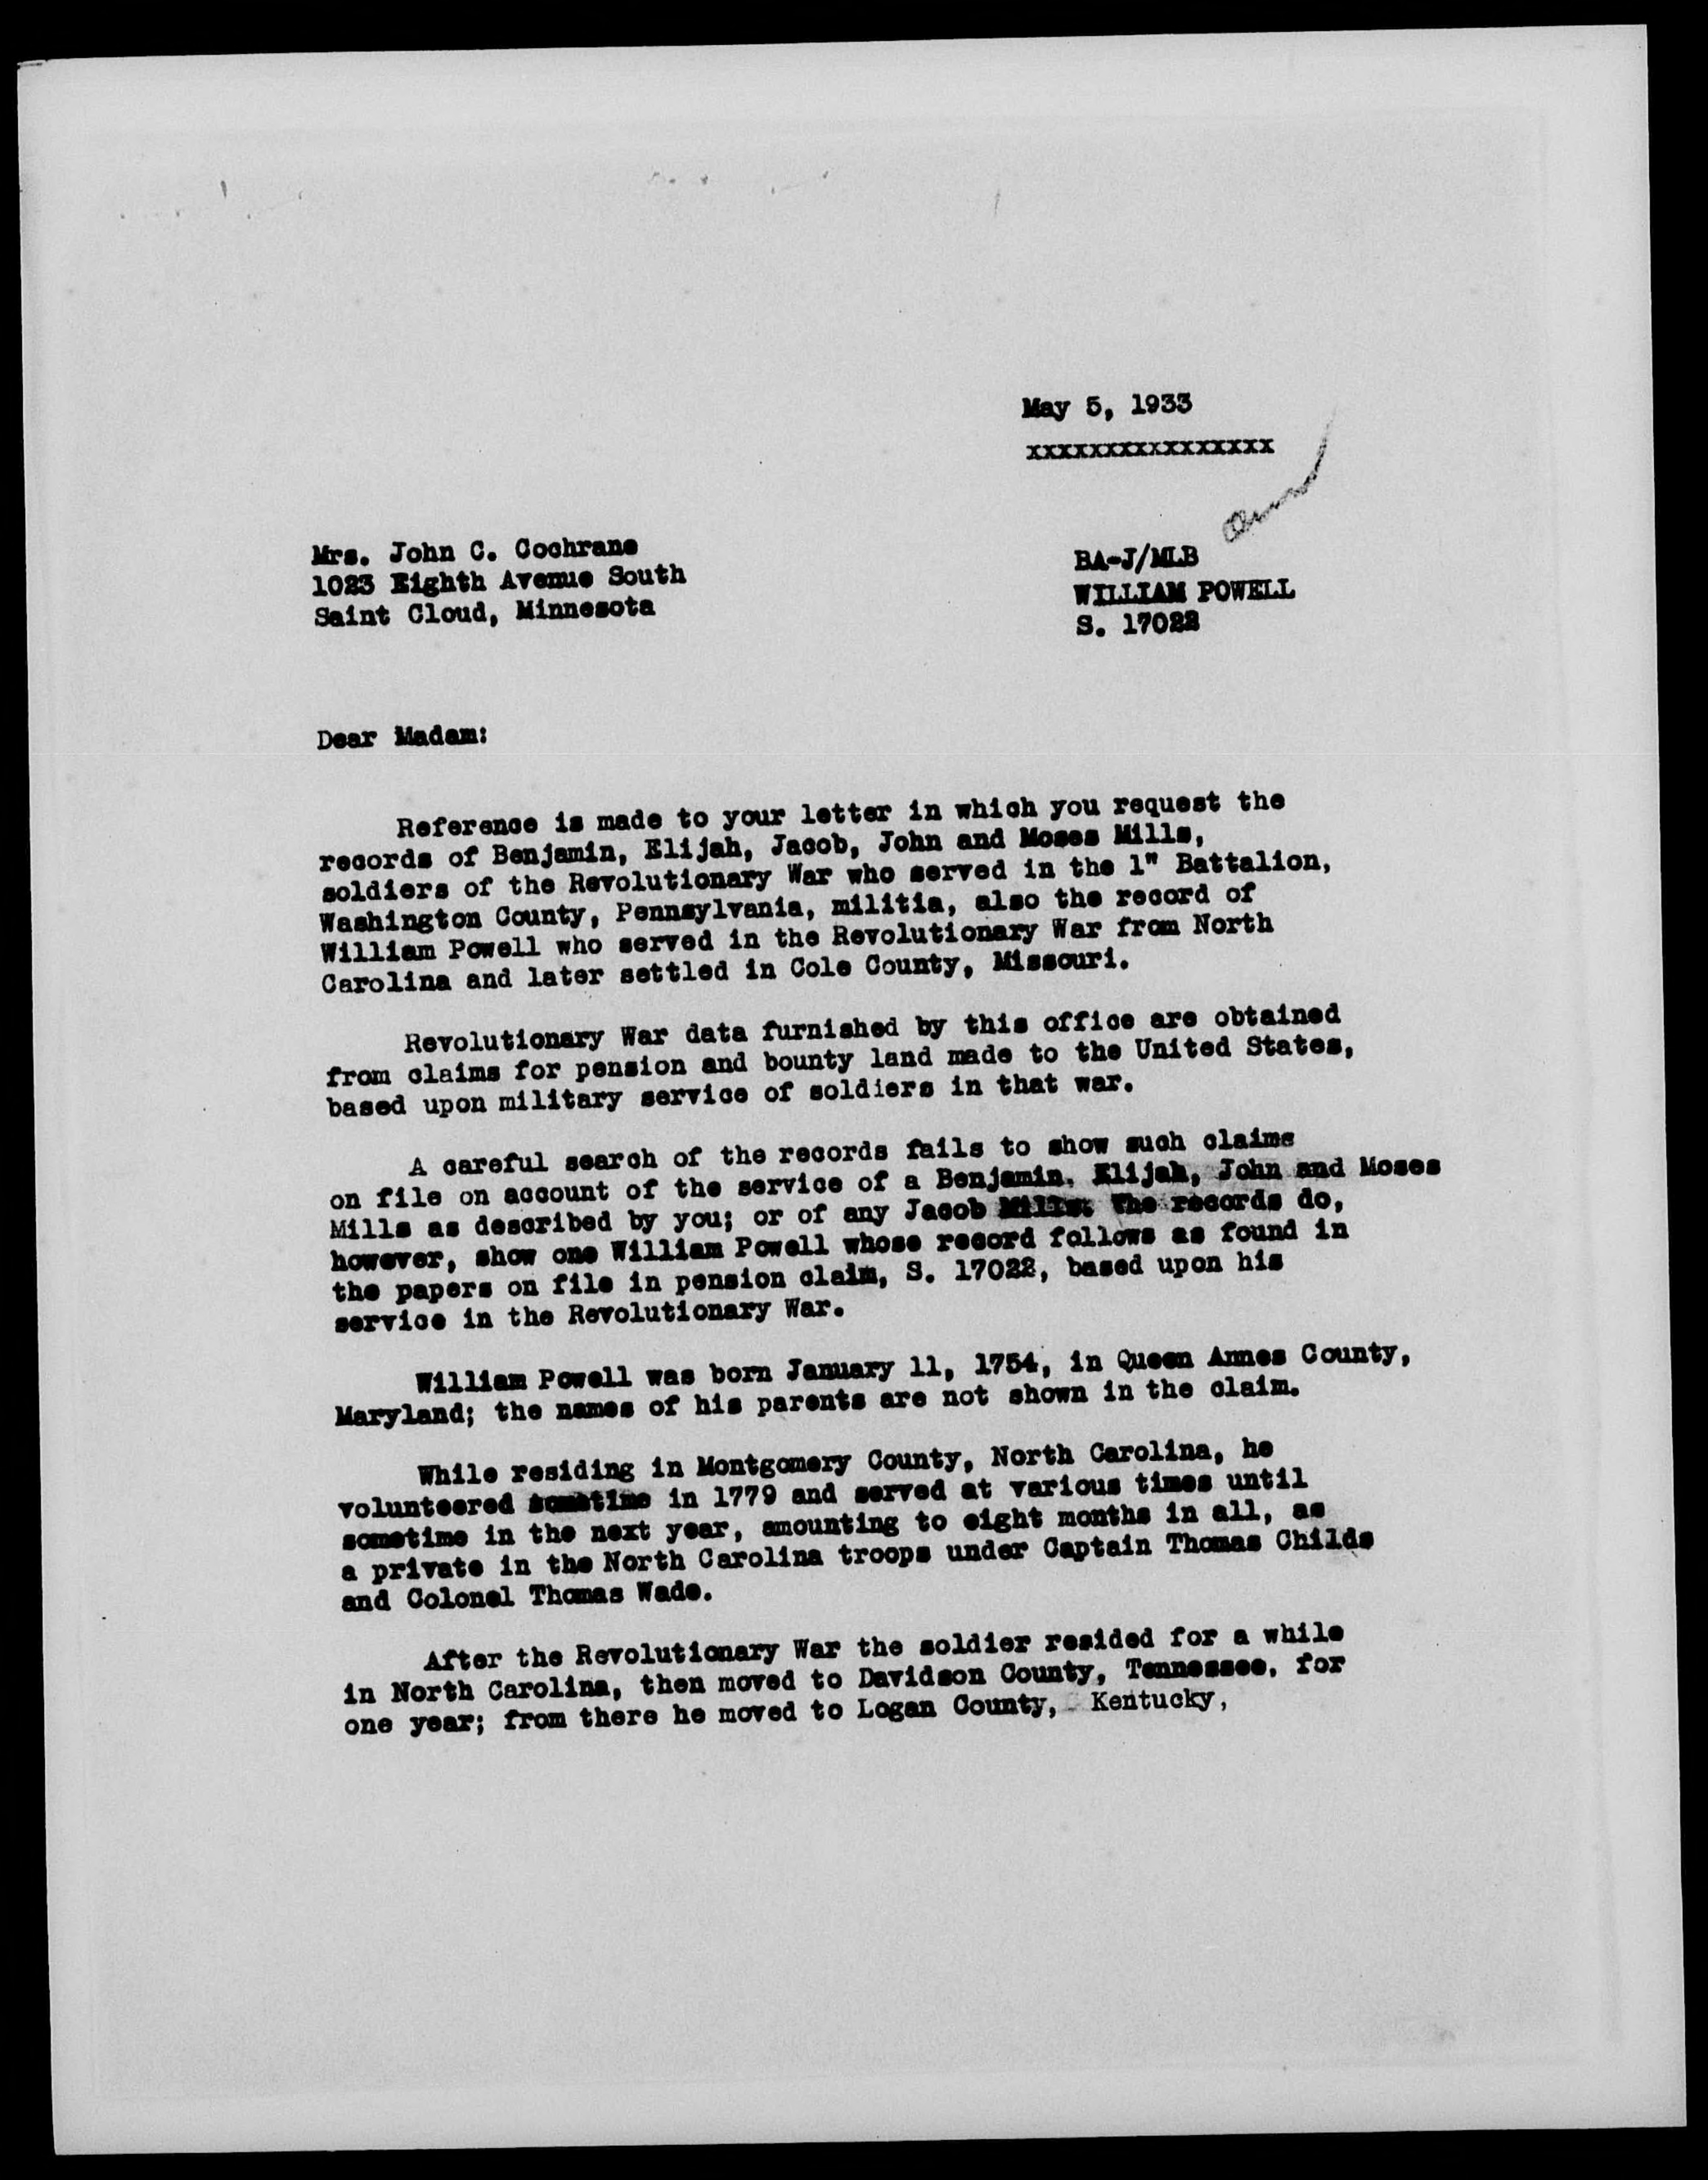May 5, 1933

Mrs. John C. Cochrane
1023 Eighth Avenue South
Saint Cloud, Minnesota
Dear Madam:

BA-J/MLB
WILLIAM POWELL
S. 17022

Dear Madam:

Reference is made to your letter in which you request the records of Benjamin, Elijah, Jacob, John and Moses Mills, soldiers of the Revolutionary War who served in the 1" Battalion, Washington County, Pennsylvania militia, also the record of William Powell who served in the Revolutionary War from North Carolina and later settled in Cole County, Missouri.

Revolutionary War data furnished by this office are obtained from claims for pension and bounty land made to the United States,
based upon military service of soldiers in that war.

A careful search of the records fails to show such claims on file on account of the service of a Benjamin, Elijah, John and Moses Mills
as described by you; or of any Jacob
Mills. The records do however, show one William Powell whose record follows as found in the papers on file in pension claim, S. 17022, based upon his service in the Revolutionary War.

William Powell was born January 11, 1754, in Queen Annes County, Maryland; the names of his parents are not shown in the claim.

While residing in Montgomery County, North Carolina, he volunteered sometime in 1779 and served at various times until sometime in the next year, mounting to eight months in all, as a
private in the North Carolina troops under Captain Thomas Childs and Colonel Thomas Wade.

After the Revolutionary War the soldier resided for a while in North Carolina, then moved to Davidson County, Tennessee, for one year; from there he moved to Logan County, Kentucky, [next]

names: Moses Mills; Thomas Childs; Elijah Mills; Benjamin Mills; Jacob Mills; Thomas Wade; William Powell; John C Cochrane; John Mills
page: 9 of 19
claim: survivor's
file: S. 17022, for William Powell, North Carolina